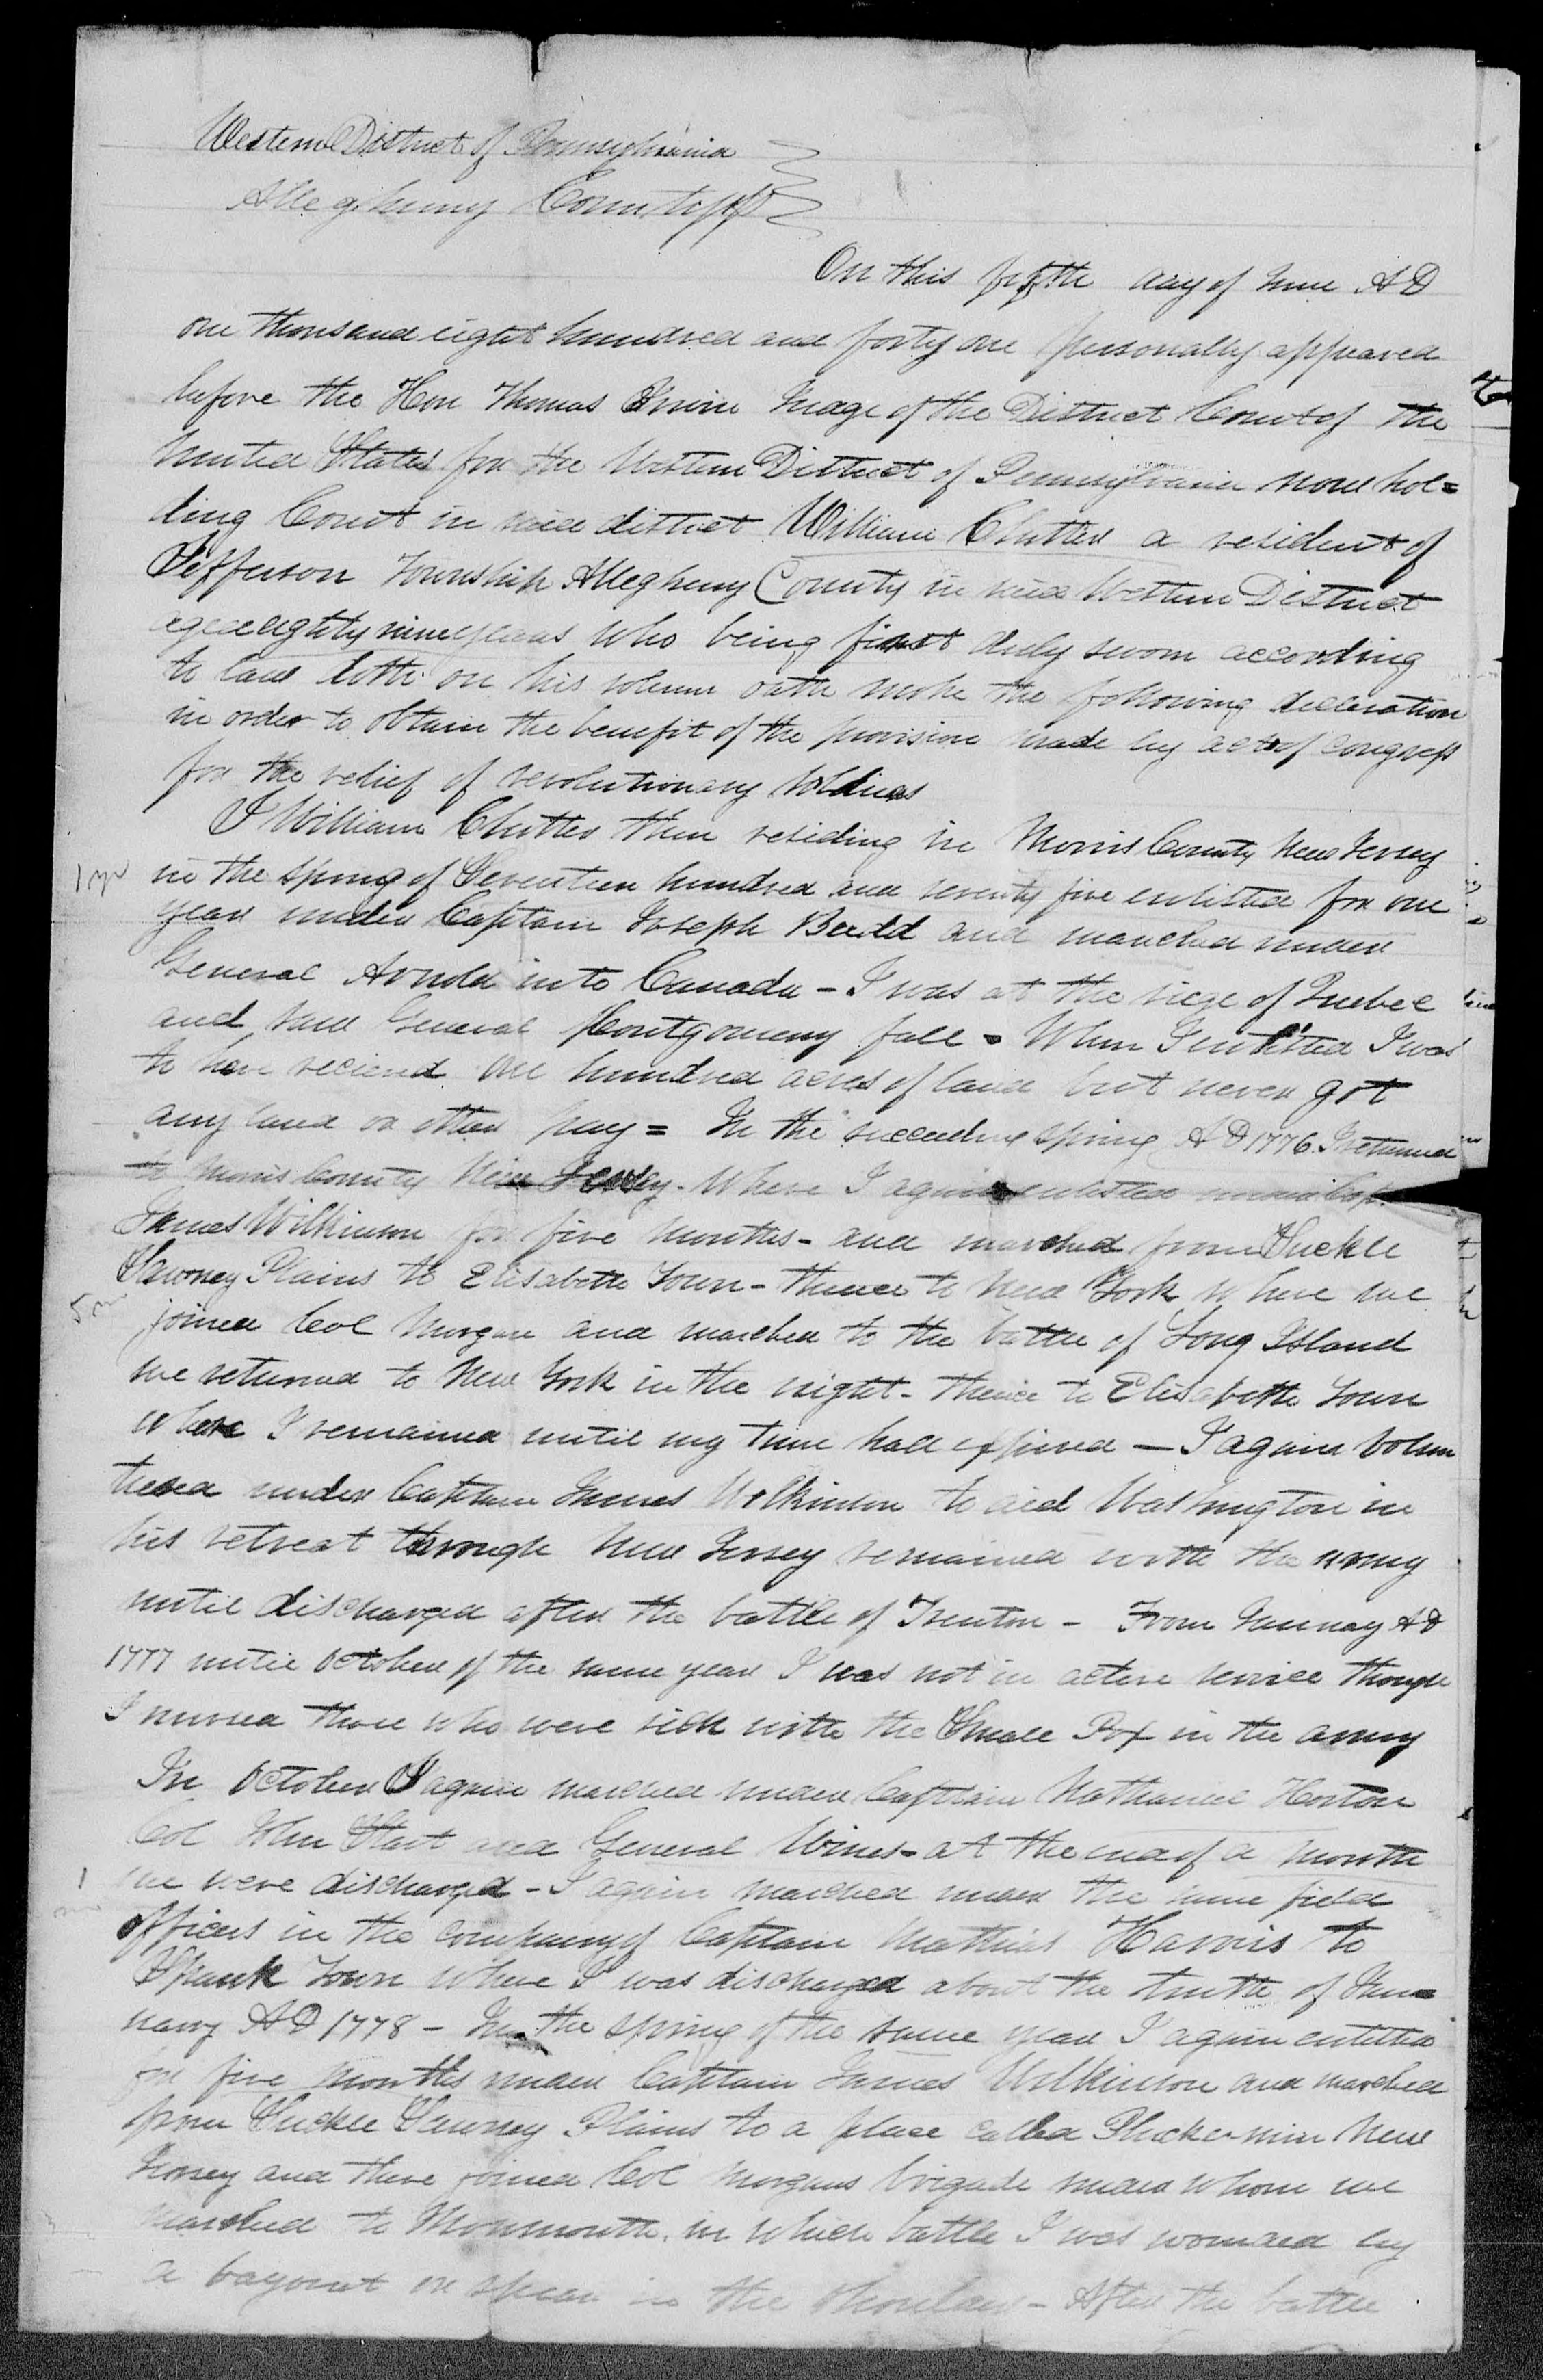Western District of Pennsylvania
Allegheny County }ss.
On this fifth day of June AD one thousand eight hundred and forty one personally appeared before the Hon Thomas Irwin Judge of the District Court of the United States for the Western District of Pennsylvania now holding court in said district William Clutter, a resident of Jefferson Township Allegheny County in said Western District aged eighty nine years who being first duly sworn according in order to obtain the benefit of the pension made by act of Congress for the relief of Revolutionary soldiers.  
I William Clutter then residing in Morris County New Jersey in the spring of seventeen hundred and seventy five enlisted for one year under Captain Joseph Budd and marched under General Arnold into Canada.  I was at the siege of Quebec and saw General Montgomery fall. When I enlisted I was to have received one hundred acres of land but never got any land or other pay.  In the succeeding spring AD 1776 I returned to Morris County, New Jersey where I again enlisted under Captain James Wilkinson for five months and marched  from Hacklebarney Plains to Elizabethtown then to New York where we joined Col. Morgan and marched to the battle of Long Island.  We returned to New York in night.  There to Elizabeth town where I remained until my time had expired.  I again enlisted under Captain James Wilkinson to aid Washington in his retreat through New Jersey, remained with the army until discharged after the battle of Trenton.  From January AD 1777 until October of the same year I was not in active service though I nursed those who were sick with the small pox in the army.
In October I again enlisted under Captain Nathaniel Horton, Col. John Start and General Wines, at the end of a month we were discharged.  I again marched under the same field officers in the Company of Captain Mathias Harris to Frank town where I was discharged about the tenth of January AD 1778.  In the spring of the said year I again enlisted for five months under Captain James Wilkinson and marched from Hackle Barney Plains to a place called Pluckemin New Jersey and there joined Col. Morgan's brigade with whom we marched to Monmouth in which battle I was wounded by a bayonet or spear in the hinder.  After the battle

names: William Clutter, Wines, Nathaniel Horton, William Clutter, Morgan, James Wilkinson, James Wilkinson, John Start, James Wilkinson, Mathias Harris, Arnold, Thomas Irwin, Joseph Budd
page: 24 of 35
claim: rejected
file: R. 2066, William Clutter, New Jersey